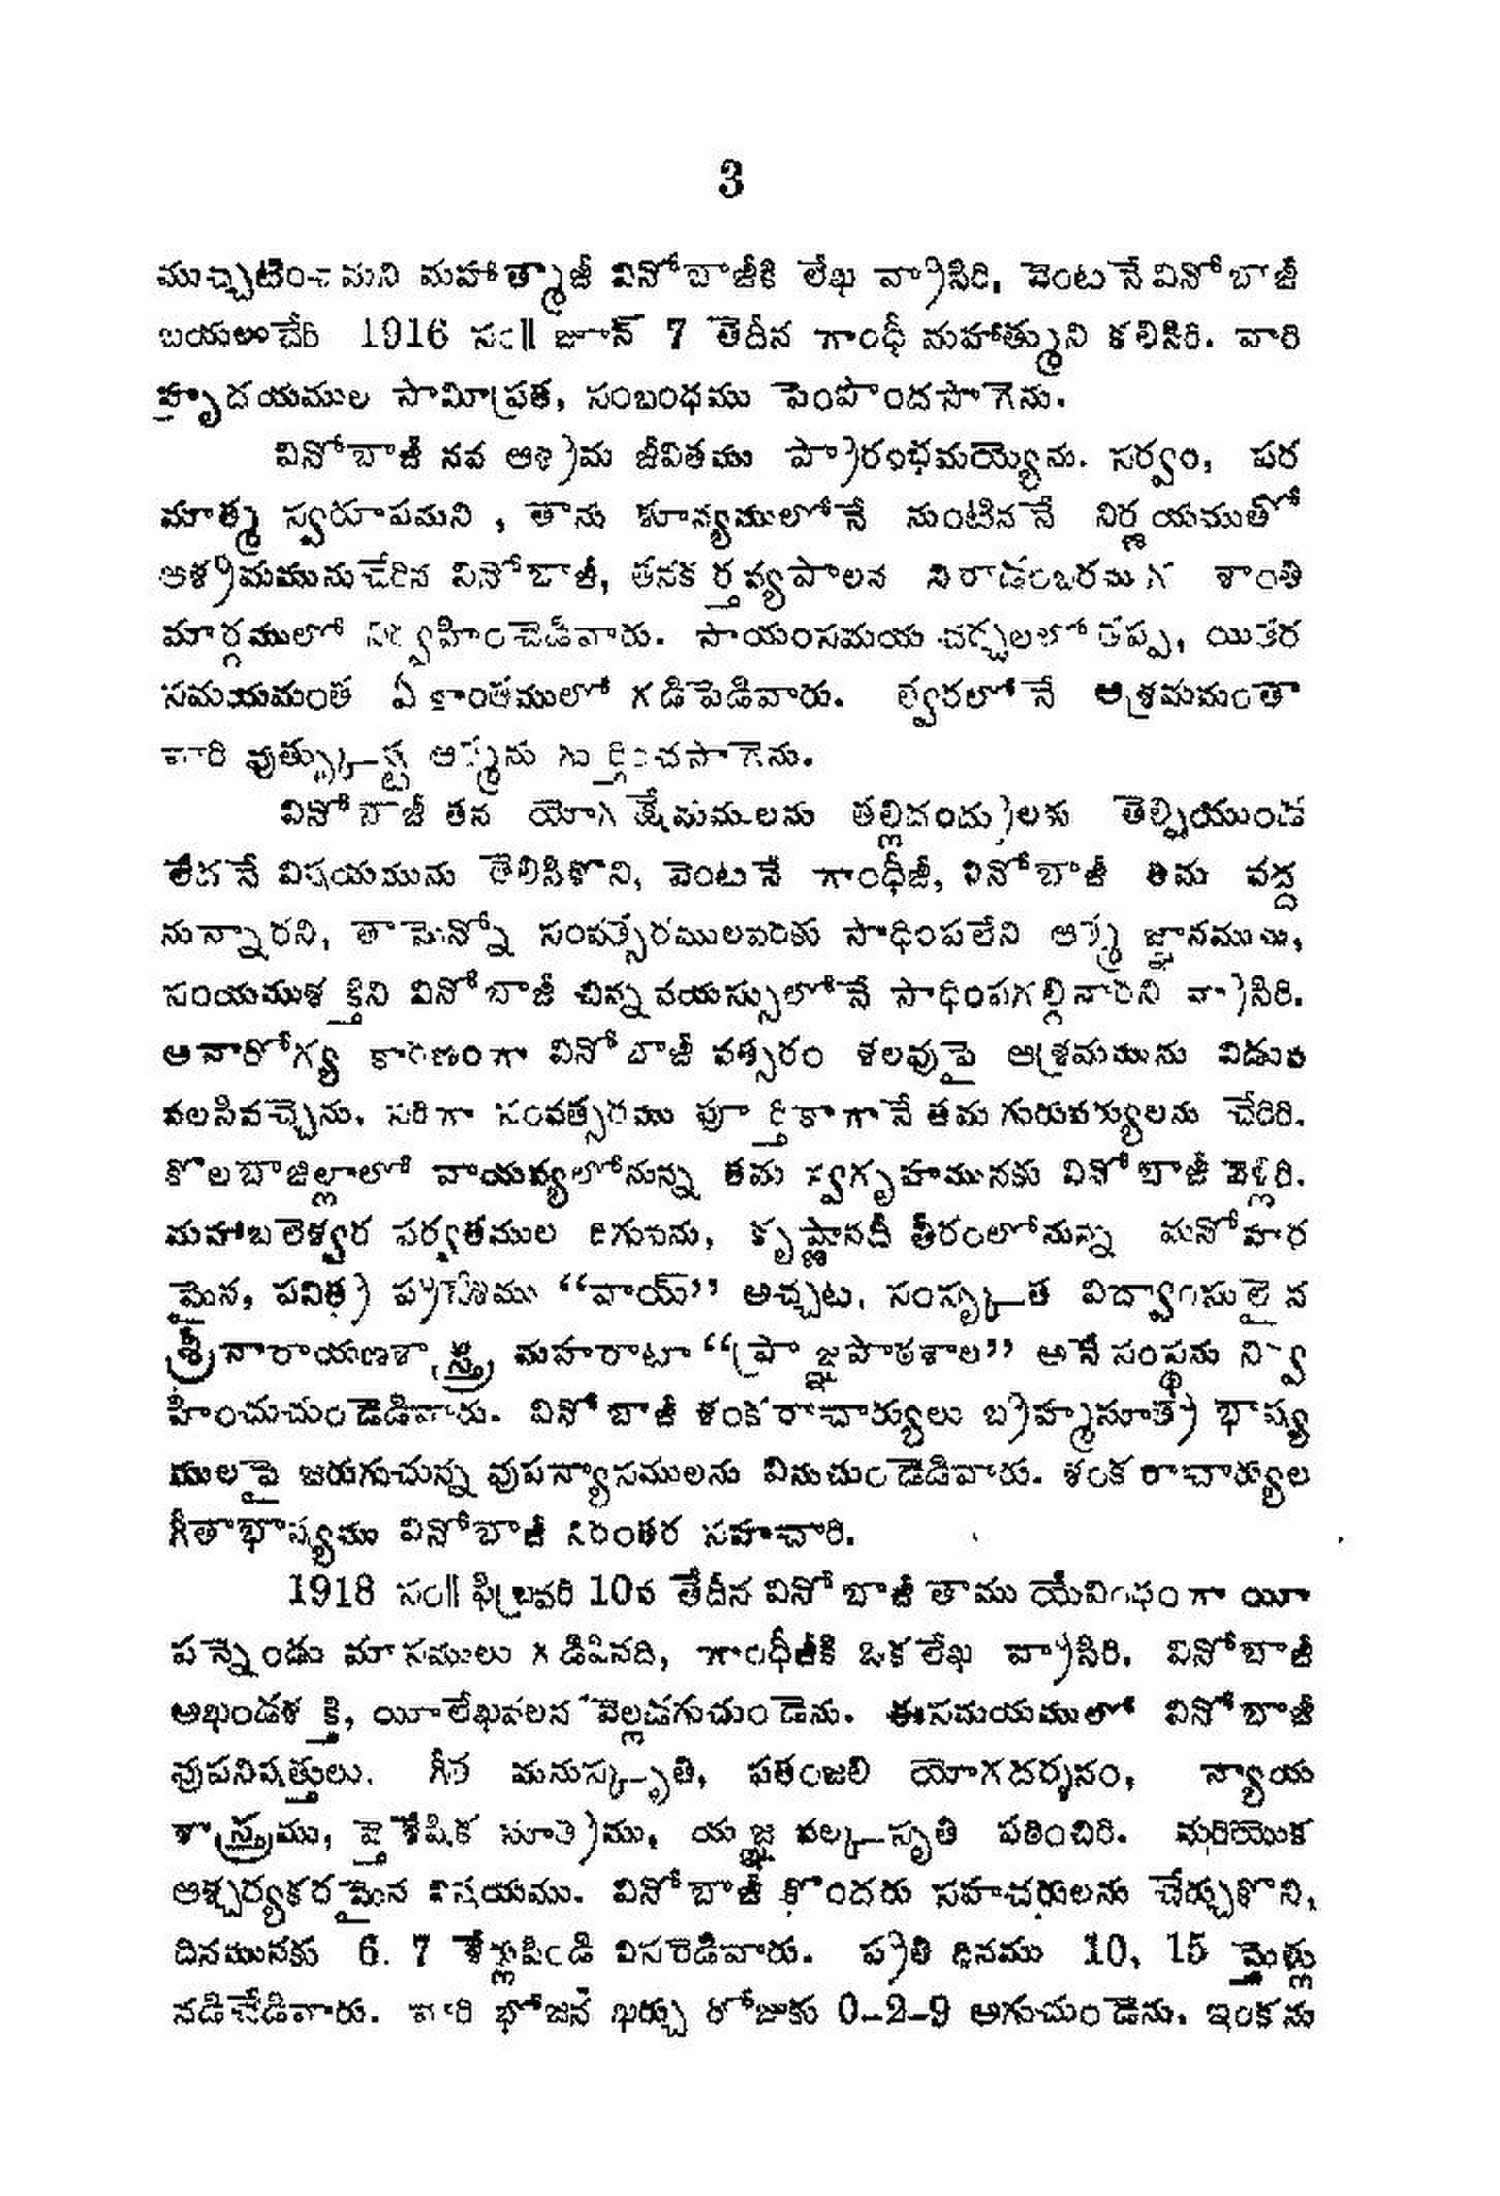ముచ్చటించమని మహాత్మాజీ వినోబాజీకి లేఖ వ్రాసిరి. వెంటనే వినోబాజీ బయలుదేరి 1016 సం|| జూన్ 7 తేదీన గాంధీ మహాత్ముని కలిసిరి. వారి హృదయముల సామీప్రత, సంబంధము పెంపొందసాగెను.

వినోబాజీ నవ ఆశ్రమ జీవితము ప్రారంభమయ్యెను. సర్వం, పరమాత్మ స్వరూపమని, తాను శూన్యములోనే నుంటిననే నిర్ణయముతో ఆశ్రమమునుచేరిన వినోబాజీ, తనకర్తవ్యపాలన నిరాడంబరముగ శాంతి మార్గములో నిర్వహించెడివారు. సాయంసమయ చర్చలలోతప్ప, యితర సమయమంత ఏకాంతములో గడిపెడివారు. త్వరలోనే ఆశ్రమమంతా వారి వుత్కృష్ట ఆత్మను గుర్తించసాగెను.

వినోబాజీ తన యోగక్షేమములను తల్లిదండ్రులకు తెల్ఫియుండ లేదనే విషయమును తెలిసికొని, వెంటనే గాంధీజీ, వినోబాజీ తమ వద్ద నున్నారని, తామెన్నో సంవత్సరములవరకు సాధింపలేని ఆత్మ జ్ఞానమును, సంయముశక్తిని వినోబాజీ చిన్నవయస్సులోనే సాధింపగల్గినారని వ్రాసిరి. అనారోగ్య కారణంగా వినోబాజీ వత్సరం శలవుపై ఆశ్రమమును విడువ వలసివచ్చెను. సరిగా సంవత్సరము పూర్తికాగానే తమ గురువర్యులను చేరిరి. కొలబాజిల్లాలో వాయవ్యలోనున్న తమ స్వగృహమునకు వినోబాజీ వెళ్లిరి. మహాబలేశ్వర పర్వతముల దిగువను, కృష్ణానదీ తీరంలోనున్న మనోహరమైన, పవిత్ర ప్రదేశము “వాయ్" అచ్చట, సంస్కృత విద్వాంసులైన శ్రీనారాయణశాస్త్రి, మహరాటా "ప్రాజ్ఞపొఠశాల" అనే సంస్థను నిర్వహించుచుండెడివారు. వినోబాజీ శంకరాచార్యులు బ్రహ్మసూత్ర భాష్యములపై జరుగుచున్న వుపన్యాసములను వినుచుండెడివారు. శంకరాచార్యుల గీతాభాష్యము వినోబాజీ నిరంతర సహచారి. 

1918 సం|| ఫిబ్రవరి 10వ తేదీన వినోబాజీ తాము యేవిఁధంగా యీ పన్నెండు మాసములు గడిపినది, గాంధీజీకి ఒకలేఖ వ్రాసిరి. వినోబాజీ అఖండశక్తి, యీలేఖవలన వెల్లడగుచుండెను. ఈసమయములో వినోబాజీ వుపనిషత్తులు, గీత మనుస్కృతి, ఫతంజలి యోగదర్శనం, న్యాయశాస్త్రము, వైశేషిక సూత్రము, యజ్ఞ వల్కసృతి పఠించిరి. మరియొక ఆశ్చర్యకరమైన విషయము. వినోబాజీ కొందరు సహచరులను చేర్చుకొని, దినమునకు 6.7 శేర్లుపిండి విసరెడివారు. ప్రతి దినము 10, 15 మైళ్లు నడిచేడివారు. వారి భోజన ఖర్చు రోజుకు 0-2-9 అగుచుండెను. ఇంకను